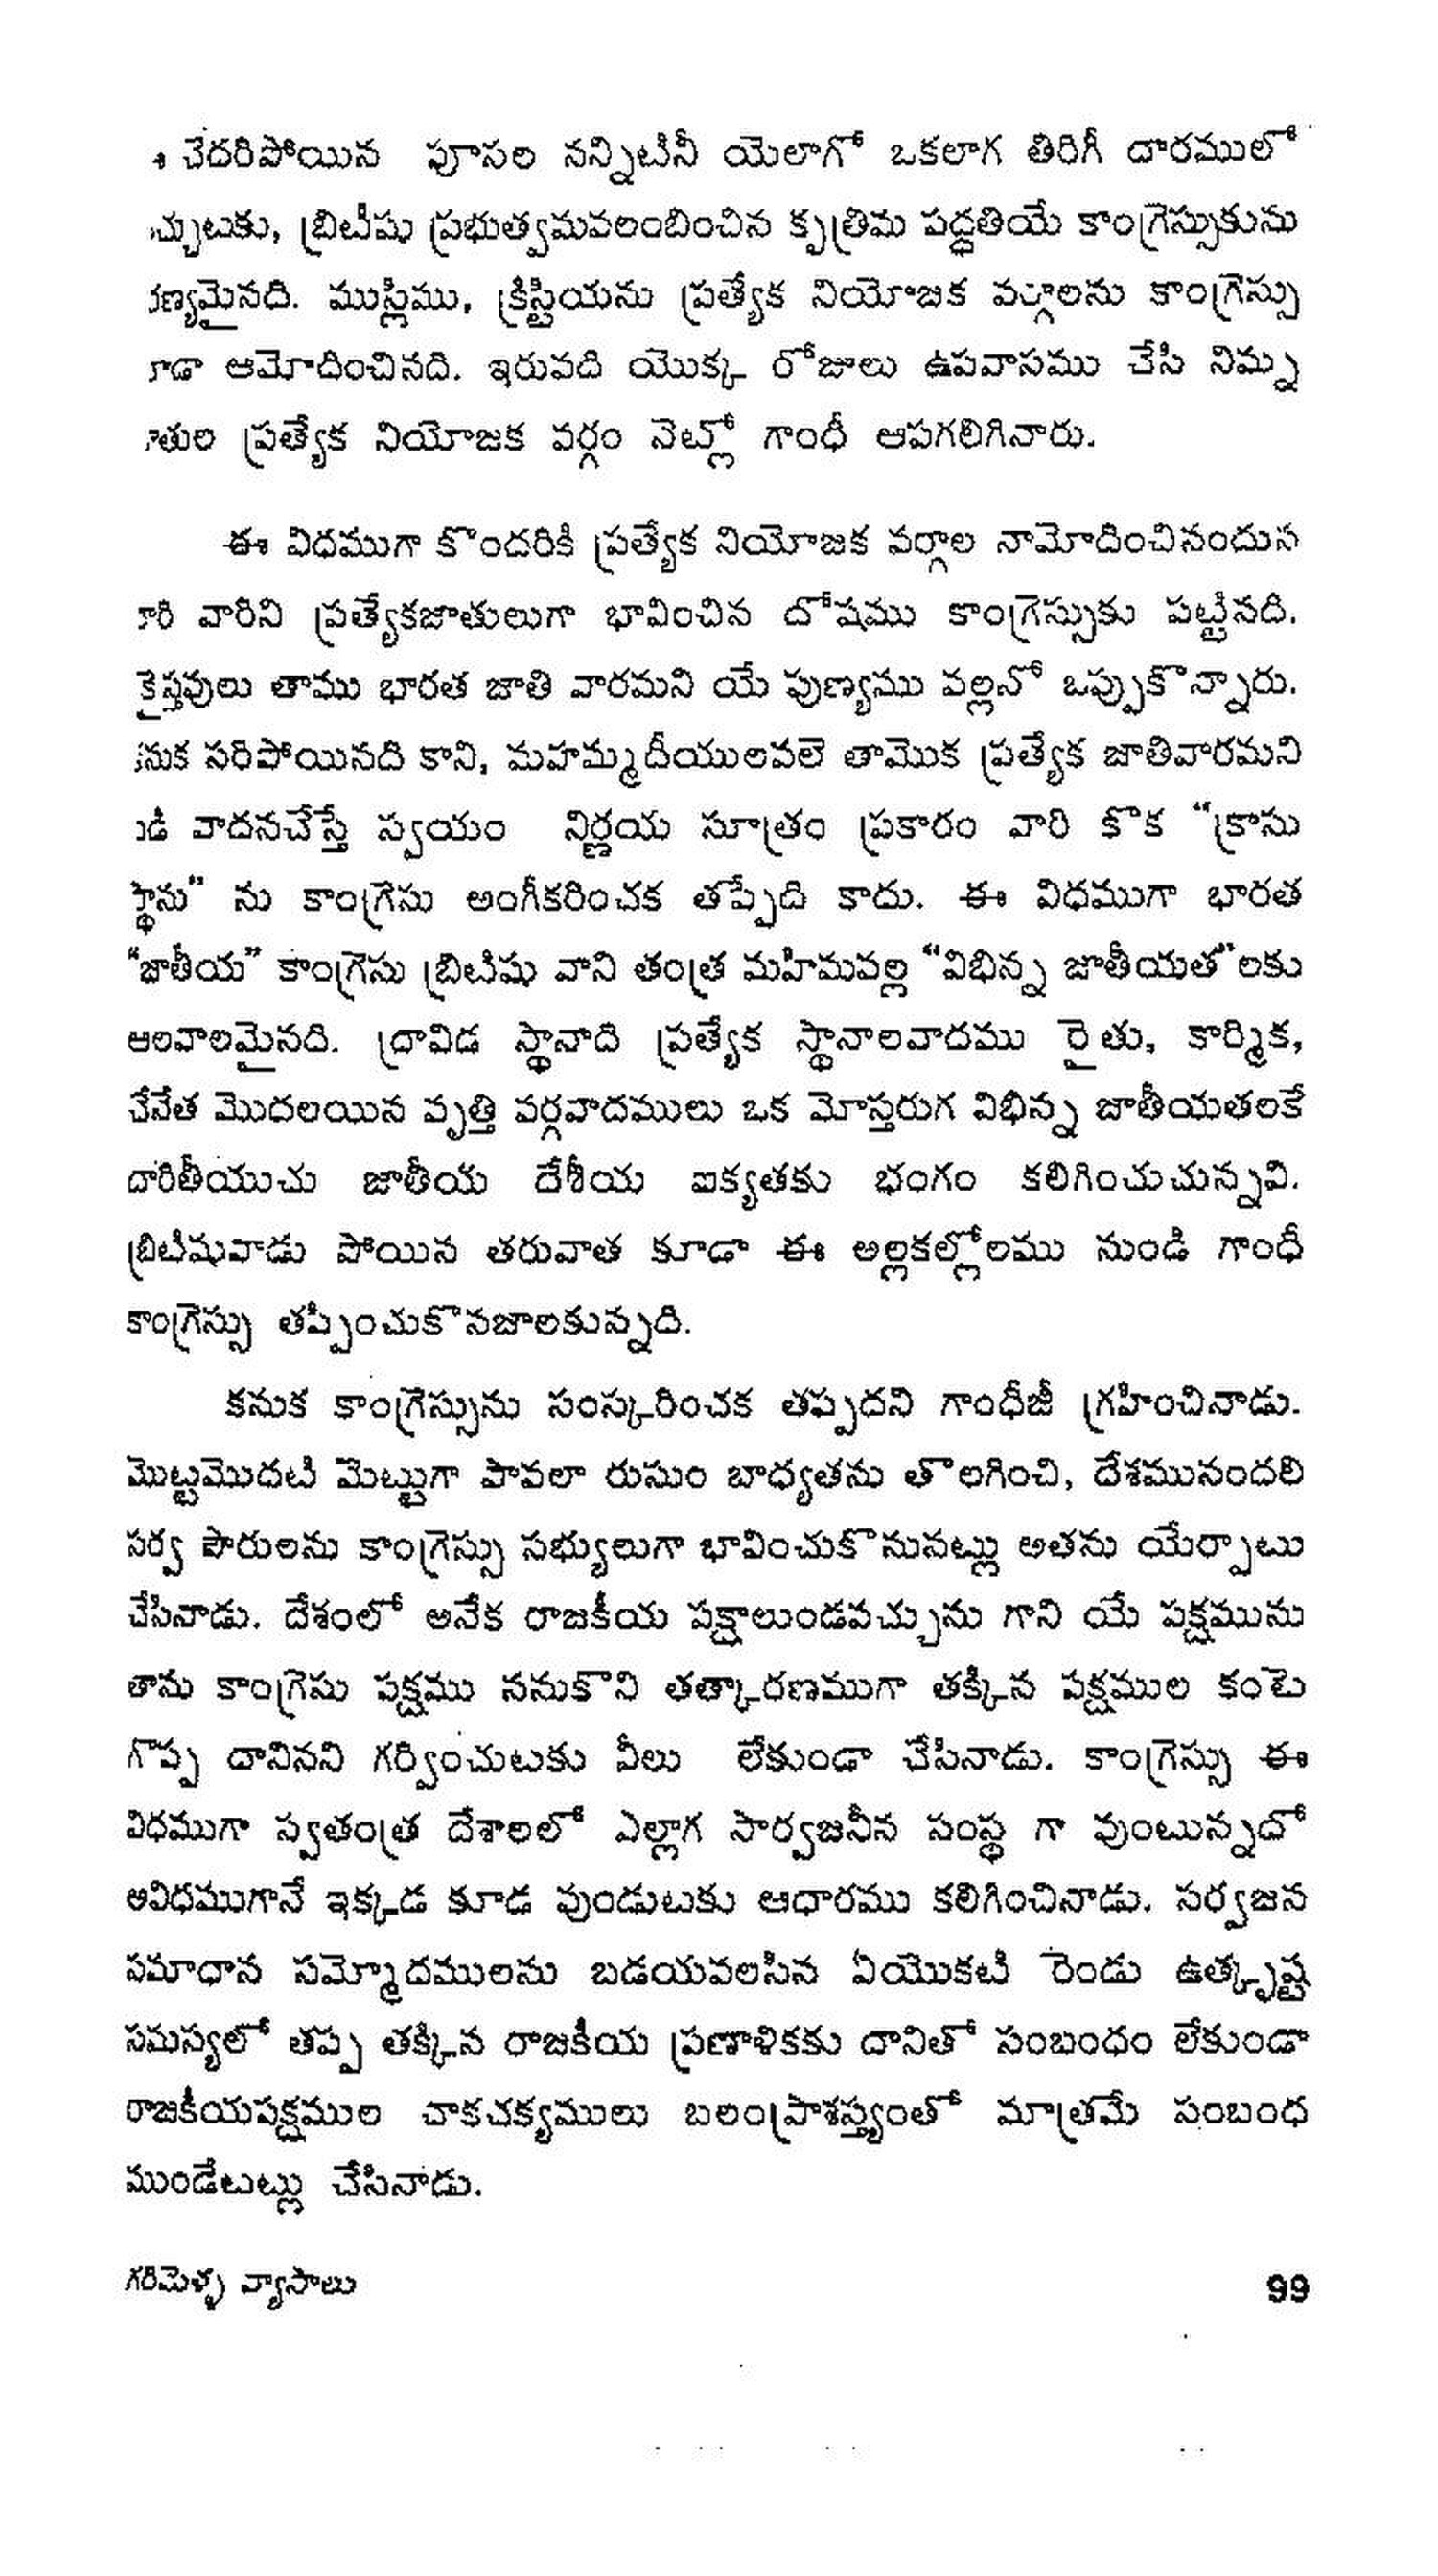చెదిరిపోయిన పూసల నన్నిటినీ యెలాగో ఒకలాగ తిరిగీ దారములో గుచ్చుటకు, బ్రిటిషు ప్రభుత్వమవలంభించిన కృత్రిమ పద్దతియే కాంగ్రెస్సుకును శరణ్యమైనది. ముస్లిము, క్రిస్టియను ప్రత్యేక నియోజక వర్గాలను కాంగ్రెస్సు కూడా ఆమోదించినది. ఇరువది యొక్క రోజులు ఉపవాసము చేసి నిమ్నజాతుల ప్రత్యేక నియోజక వర్గం నెట్లో గాంధీ ఆపగలిగినారు.

ఈ విధముగా కొందరికి ప్రత్యేక నియోజక వర్గాల నామోదించినందున వారి వారిని ప్రత్యేకజాతులుగా భావించిన దోషము కాంగ్రెస్సుకు పట్టినది. క్రైస్తవులు తాము భారత జాతి వారమని యే పుణ్యము వల్లనో ఒప్పుకున్నారు. కనుక సరిపోయినది కాని, మహమ్మదీయులవలె తామొక ప్రత్యేక జాతివారమని వుండీ వాదనచేస్తే స్వయం నిర్ణయ సూత్రం ప్రకారం వారి కొక "క్రాసుస్థాను" ను కాంగ్రెసు బ్రిటిషు వాని తంత్ర మహిమవల్ల "విభిన్న జాతీయత" లకు ఆలవాలమైనది. ద్రావిడ స్థానాది ప్రత్యెక స్థానాలవాదము రైతు, కార్మిక, చేనేత మొదలయిన వృత్తి వర్గవాదములు ఒక మోస్తరుగ విభిన్న జాతీయతలకే దారితీయుచు జాతీయ దేశీయ ఐక్యతకు భంగం కలిగించుచున్నవి. బ్రిటిషువాడు పోయిన తరువాత కూడా ఈ అల్లకల్లోలము నుండి గాంధీ కాంగ్రెస్సు తప్పించుకొనజాలకున్నది.

కనుక కాంగ్రెస్సును సంస్కరించక తప్పదని గాంధీజీ గ్రహించినాడు. మొట్టమొదటి మెట్టుగా పావలా రుసుం బాధ్యతను తొలగించి, దేశమునందలి సర్వ పౌరులను కాంగ్రెస్సు సభ్యులుగా భావించుకొనునట్లు అతను యేర్పాటు చేసినాడు. దేశంలో అనేక రాజకీయ పక్షాలుండవచ్చును గాని యే పక్షమును తాను కాంగ్రెసు పక్షము ననుకొని తత్కారణముగా తక్కిన పక్షముల కంటె గొప్ప దానినని గర్వించుటకు వీలు లేకుండా చేసినాడు. కాంగ్రెస్సు ఈ విధముగా స్వతంత్ర దేశాలలో ఎల్లాగ సార్వజనీన సంస్థ గా వుంటున్నదో ఆవిధముగానే ఇక్కడ కూడ వుండుటకు ఆధారము కలిగించినాడు. సర్వజన సమాధాన సమ్మోదములను బడయవలసిన ఏయొకటి రెండు ఉత్కృష్ట సమస్యలో తప్ప తక్కిన రాజకీయ ప్రణాళికకు దానితో సంబంధం లేకుండా రాజకీయపక్షముల చాకచక్యములు బలంప్రాశస్త్యంతో మాత్రమే సంబంధ ముండేటట్లు చేసినాడు.